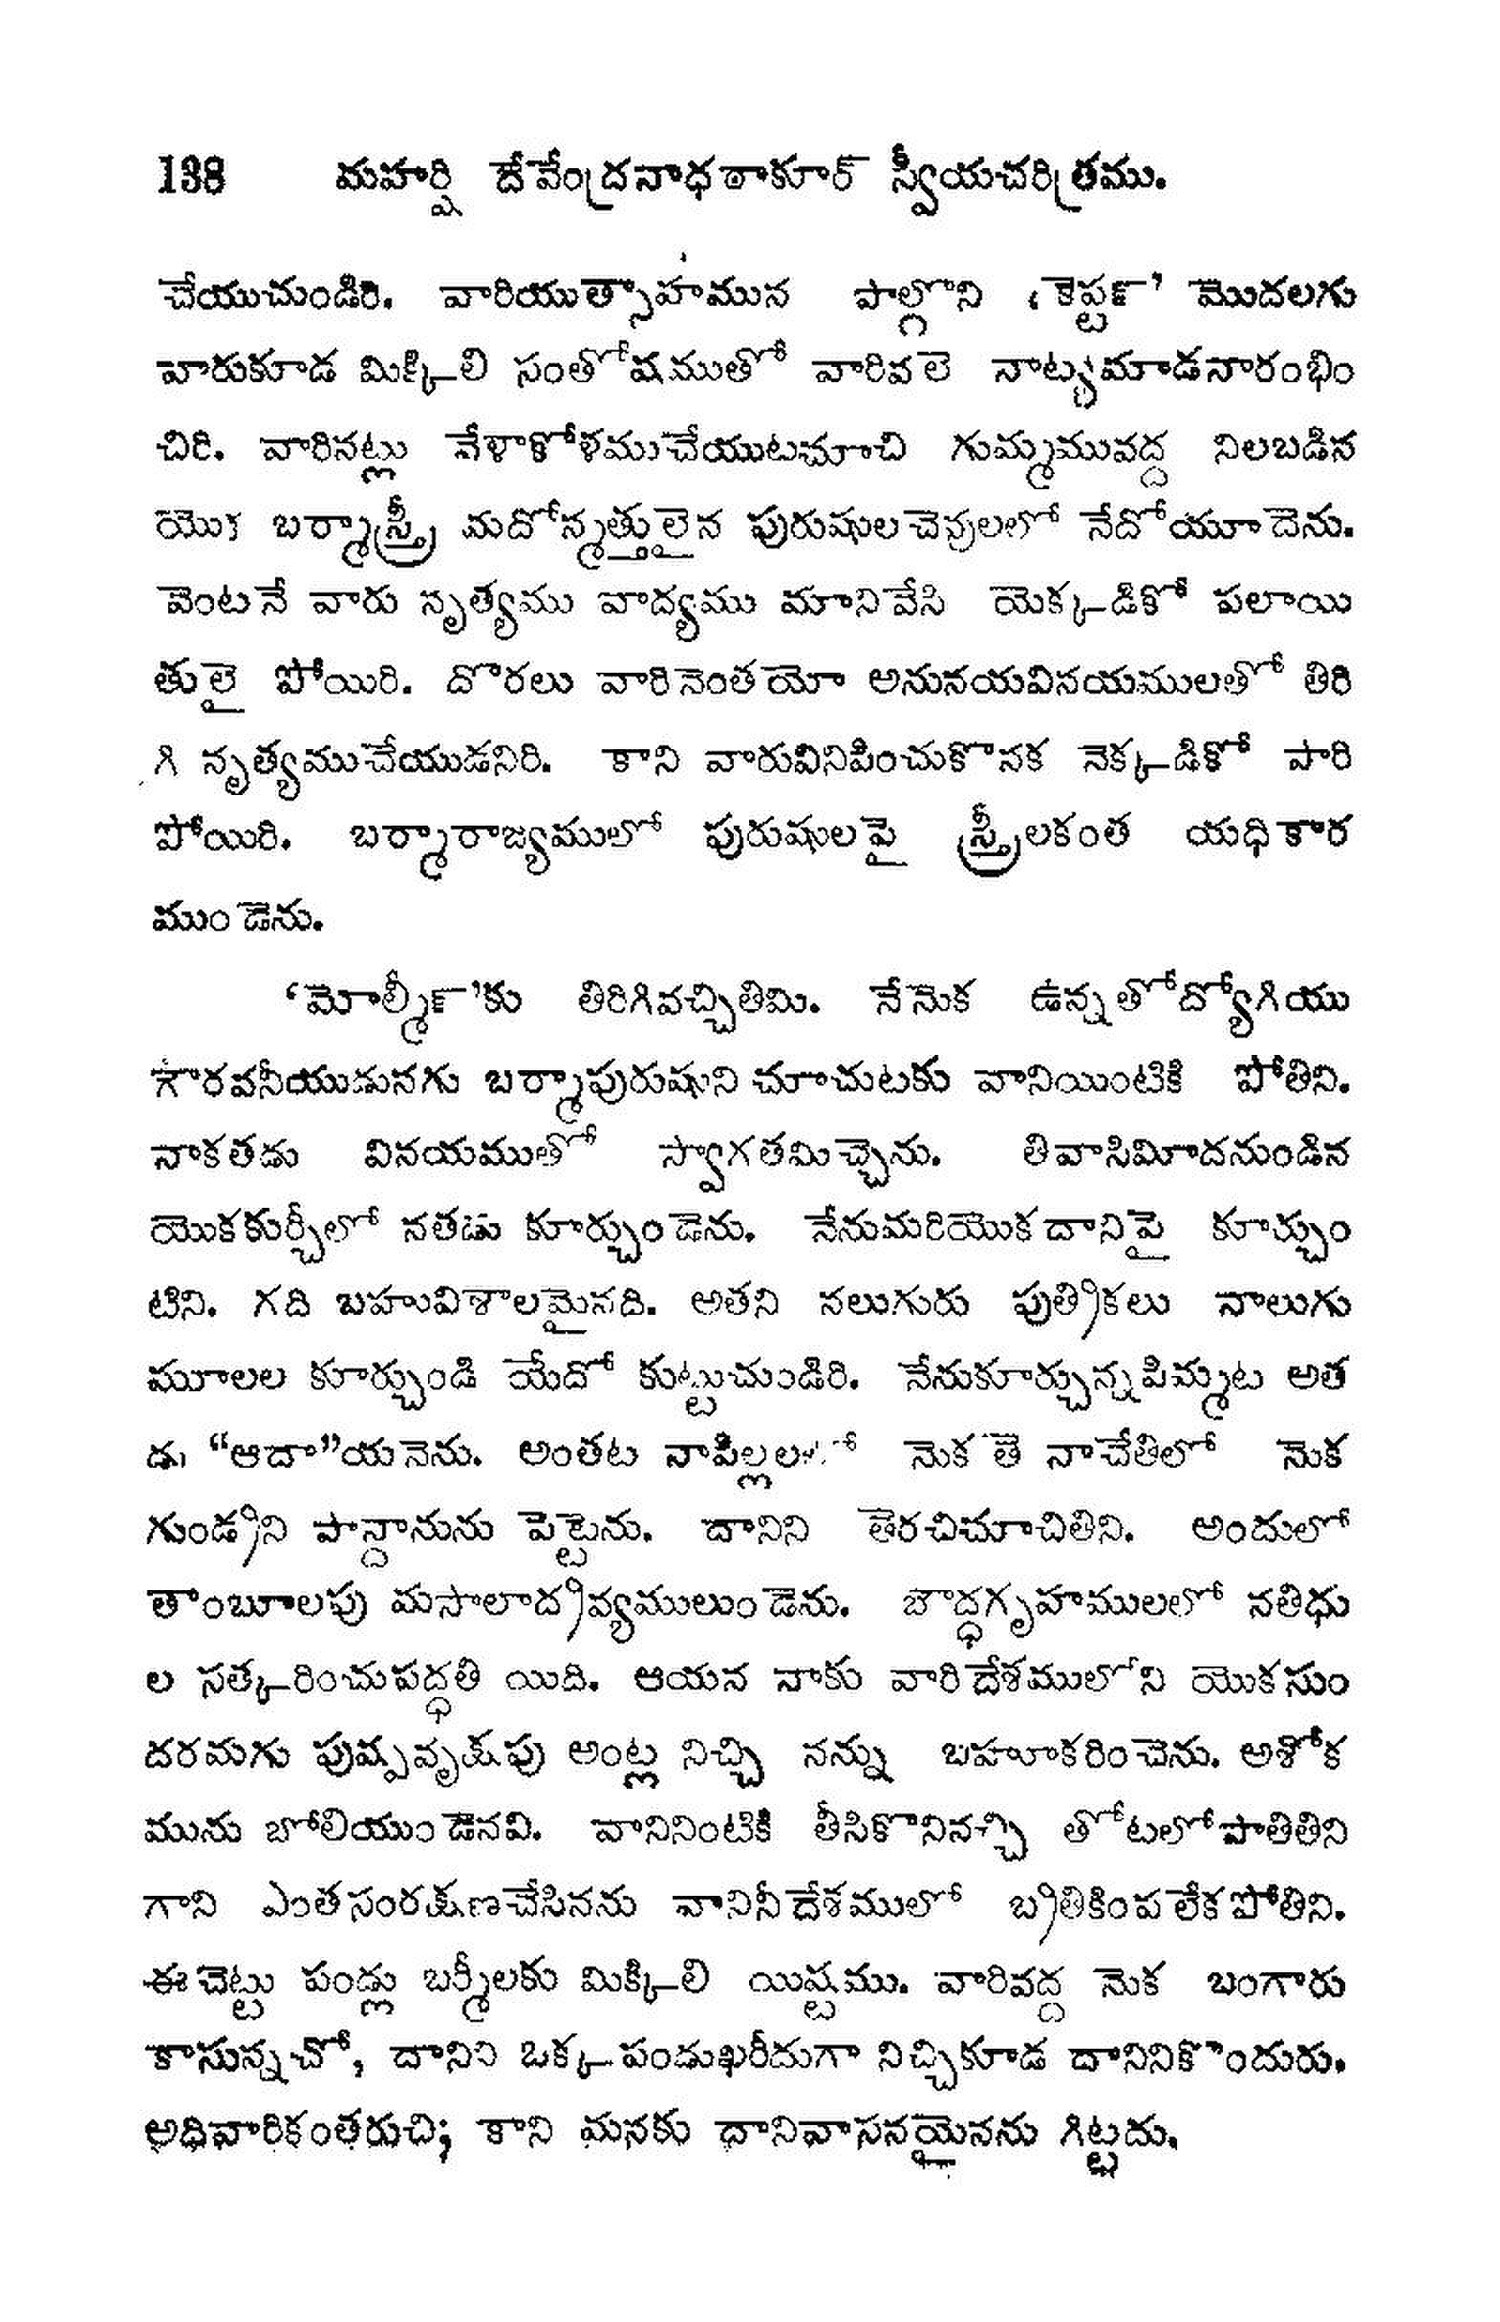చేయుచుండిరి. వారియుత్సాహమున పాల్గొని కెప్టన్ మొదలగువారుకూడ మిక్కిలి సంతోషముతో వారివలె నాట్యమాడనారంభించిరి. వారినట్లు వేళాకోళము చేయుటచూచి గుమ్మమువద్ద నిలబడినయొక బర్మా స్త్రీ మదోన్మత్తులైన పురుషుల చెవులలో నేదో యూదెను.వెంటనే వారు సృత్యము వాద్యము మానివేసి యెక్కడికో పలాయితులై
పోయిరి. దొరలు వారి నెంతయో అనునయవిసయములతో తిరిగి నృత్యము 
చేయుడనిరి. కాని వారు వినిపించుకొనక నెక్కడికో పారి పోయిరిబర్మా రాజ్యములో పురుషుల పై స్త్రీలకంత యధికార ముండెను.

నాకతడుతెరచిచూచితిని.అందులో‘మోల్మీన్'కు తిరిగివచ్చితిమి. నేనొక ఉన్నతో
ద్యోగియు గౌరవనీయుడు నగుబర్మా పురుషుని చూచుటకు వానియింటికి పోతిని.వినయముతో స్వాగతమిచ్చెను. తివాసిమీదనుండినయొక కుర్చీలో నతడు కూర్చుండెను. నేనుమరియొక కదానిపై కూర్చుంటిని, గది బహువిశాలమైనది. అతని నలుగురు పుత్రికలు నాలుగు మూలల కూర్చుండి యేదో కుట్టుచుండిరి. 'నేనుకూర్చున్నపిమ్మట అతడు “ఆదా”య నెను. అంతట నాపిల్లలలో నెకతే నా 
చేతిలో ఒకగుండ్రని పొన్గానును పెట్టెను. దానినితాంబూలపు మసొలాదవ్యము 
లుండెను. బౌద్ధగృహములలో నతిధుల సత్కరించు పద్ధతియిది. ఆయన నాకు వారి దేశములోని యొక సుందరమగు పుష్పవృక్షుపు అంట్ల నిచ్చి నన్ను బహూకరించెను. అశోకమును బోలియుం డెనవి. వానినింటికి తీసికొనినచ్చి తోటలో పొతితినిగాని ఎంత సంరక్షణ చేసినను వానినీ దేశములో బ్రతికింప లేక పోతిని.ఈ చెట్టు పండ్లు బర్మీలకు మిక్కిలి యిష్టము. 'వారివద్ద ఒక బంగారు కాసున్నచో, దానిని ఒక్క పండుఖరీదుగా నిచ్చికూడ దానిని కొందురు.అధివారికంతరుచి; కాని మనకు దానివాసనయైనను గిట్టదు.